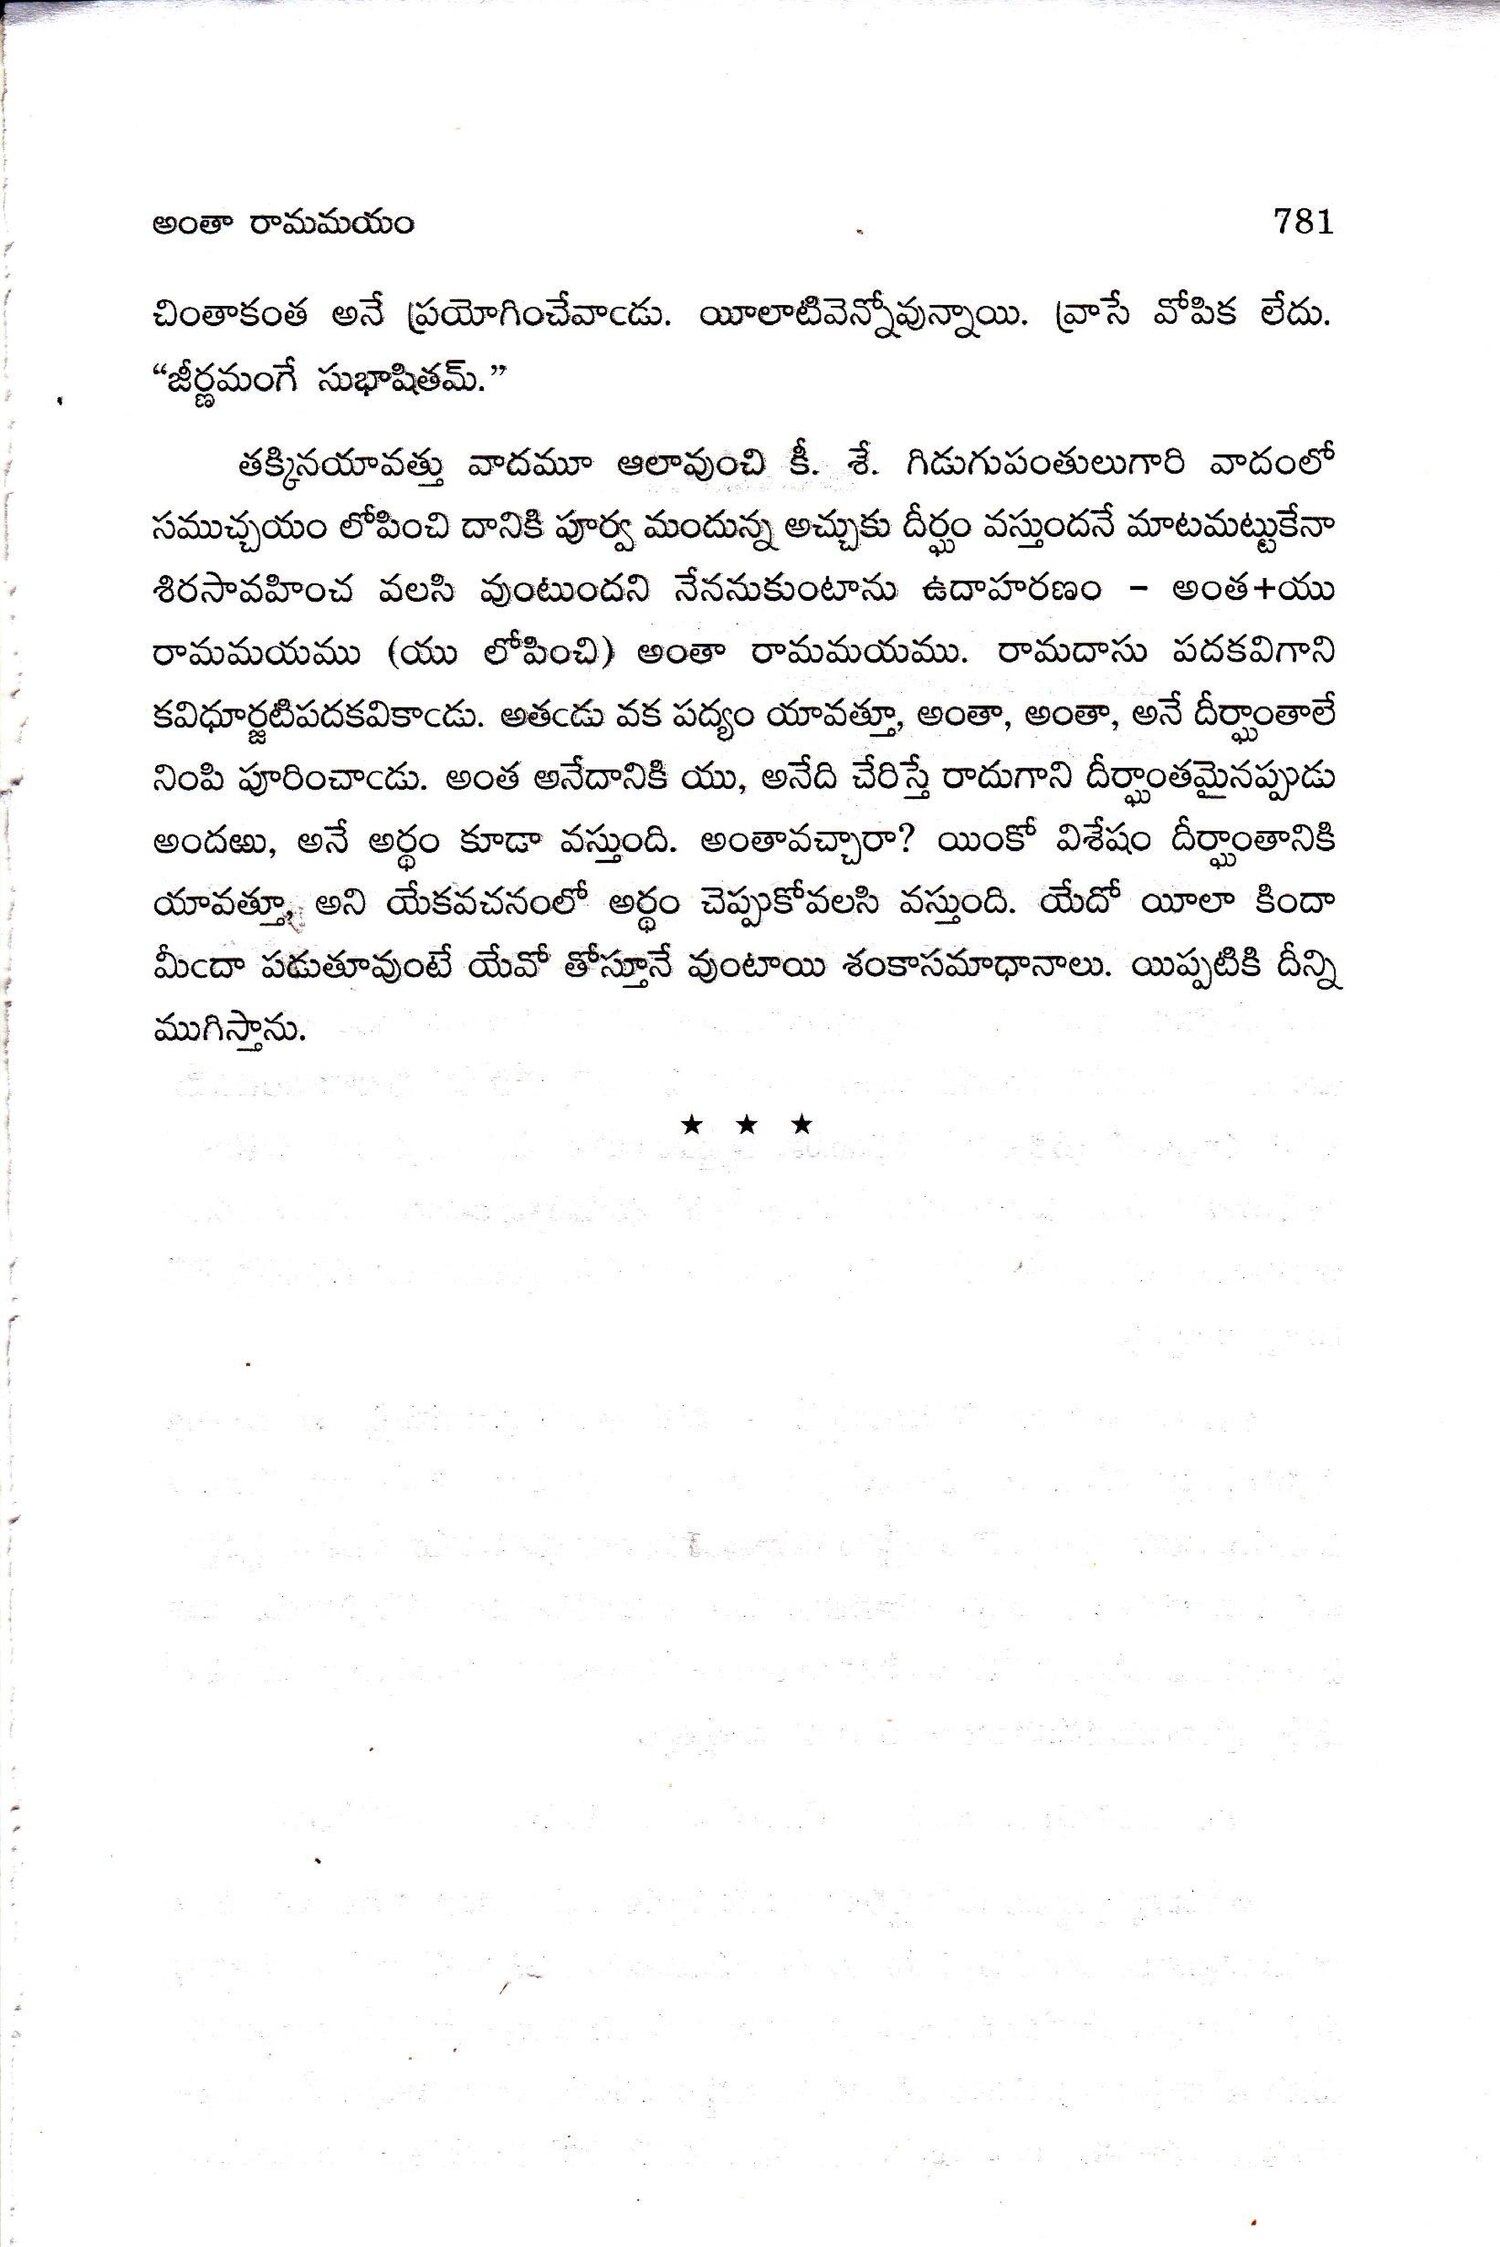చింతాకంత అనే ప్రయోగించేవాఁడు. యీలాటివెన్నోవున్నాయి. వ్రాసే వోపిక లేదు. "జీర్ణమంగే సుభాషితమ్."

తక్కినయావత్తు వాదమూ ఆలావుంచి కీ. శే. గిడుగుపంతులుగారి వాదంలో సముచ్చయం లోపించి దానికి పూర్వ మందున్న అచ్చుకు దీర్ఘం వస్తుందనే మాటమట్టుకేనా శిరసావహించ వలసి వుంటుందని నేననుకుంటాను ఉదాహరణం - అంత+యు రామమయము (యు లోపించి) అంతా రామమయము. రామదాసు పదకవిగాని కవిధూర్జటిపదకవికాఁడు. అతఁడు వక పద్యం యావత్తూ, అంతా, అంతా, అనే దీర్ఘాంతాలే నింపి పూరించాఁడు. అంత అనేదానికి యు, అనేది చేరిస్తే రాదుగాని దీర్ఘాంతమైనప్పుడు అందఱు, అనే అర్థం కూడా వస్తుంది. అంతావచ్చారా? యింకో విశేషం దీర్ఘాంతానికి యావత్తూ అని యేకవచనంలో అర్థం చెప్పుకోవలసి వస్తుంది. యేదో యీలా కిందా మీఁదా పడుతూవుంటే యేవో తోస్తూనే వుంటాయి శంకాసమాధానాలు. యిప్పటికి దీన్ని ముగిస్తాను.